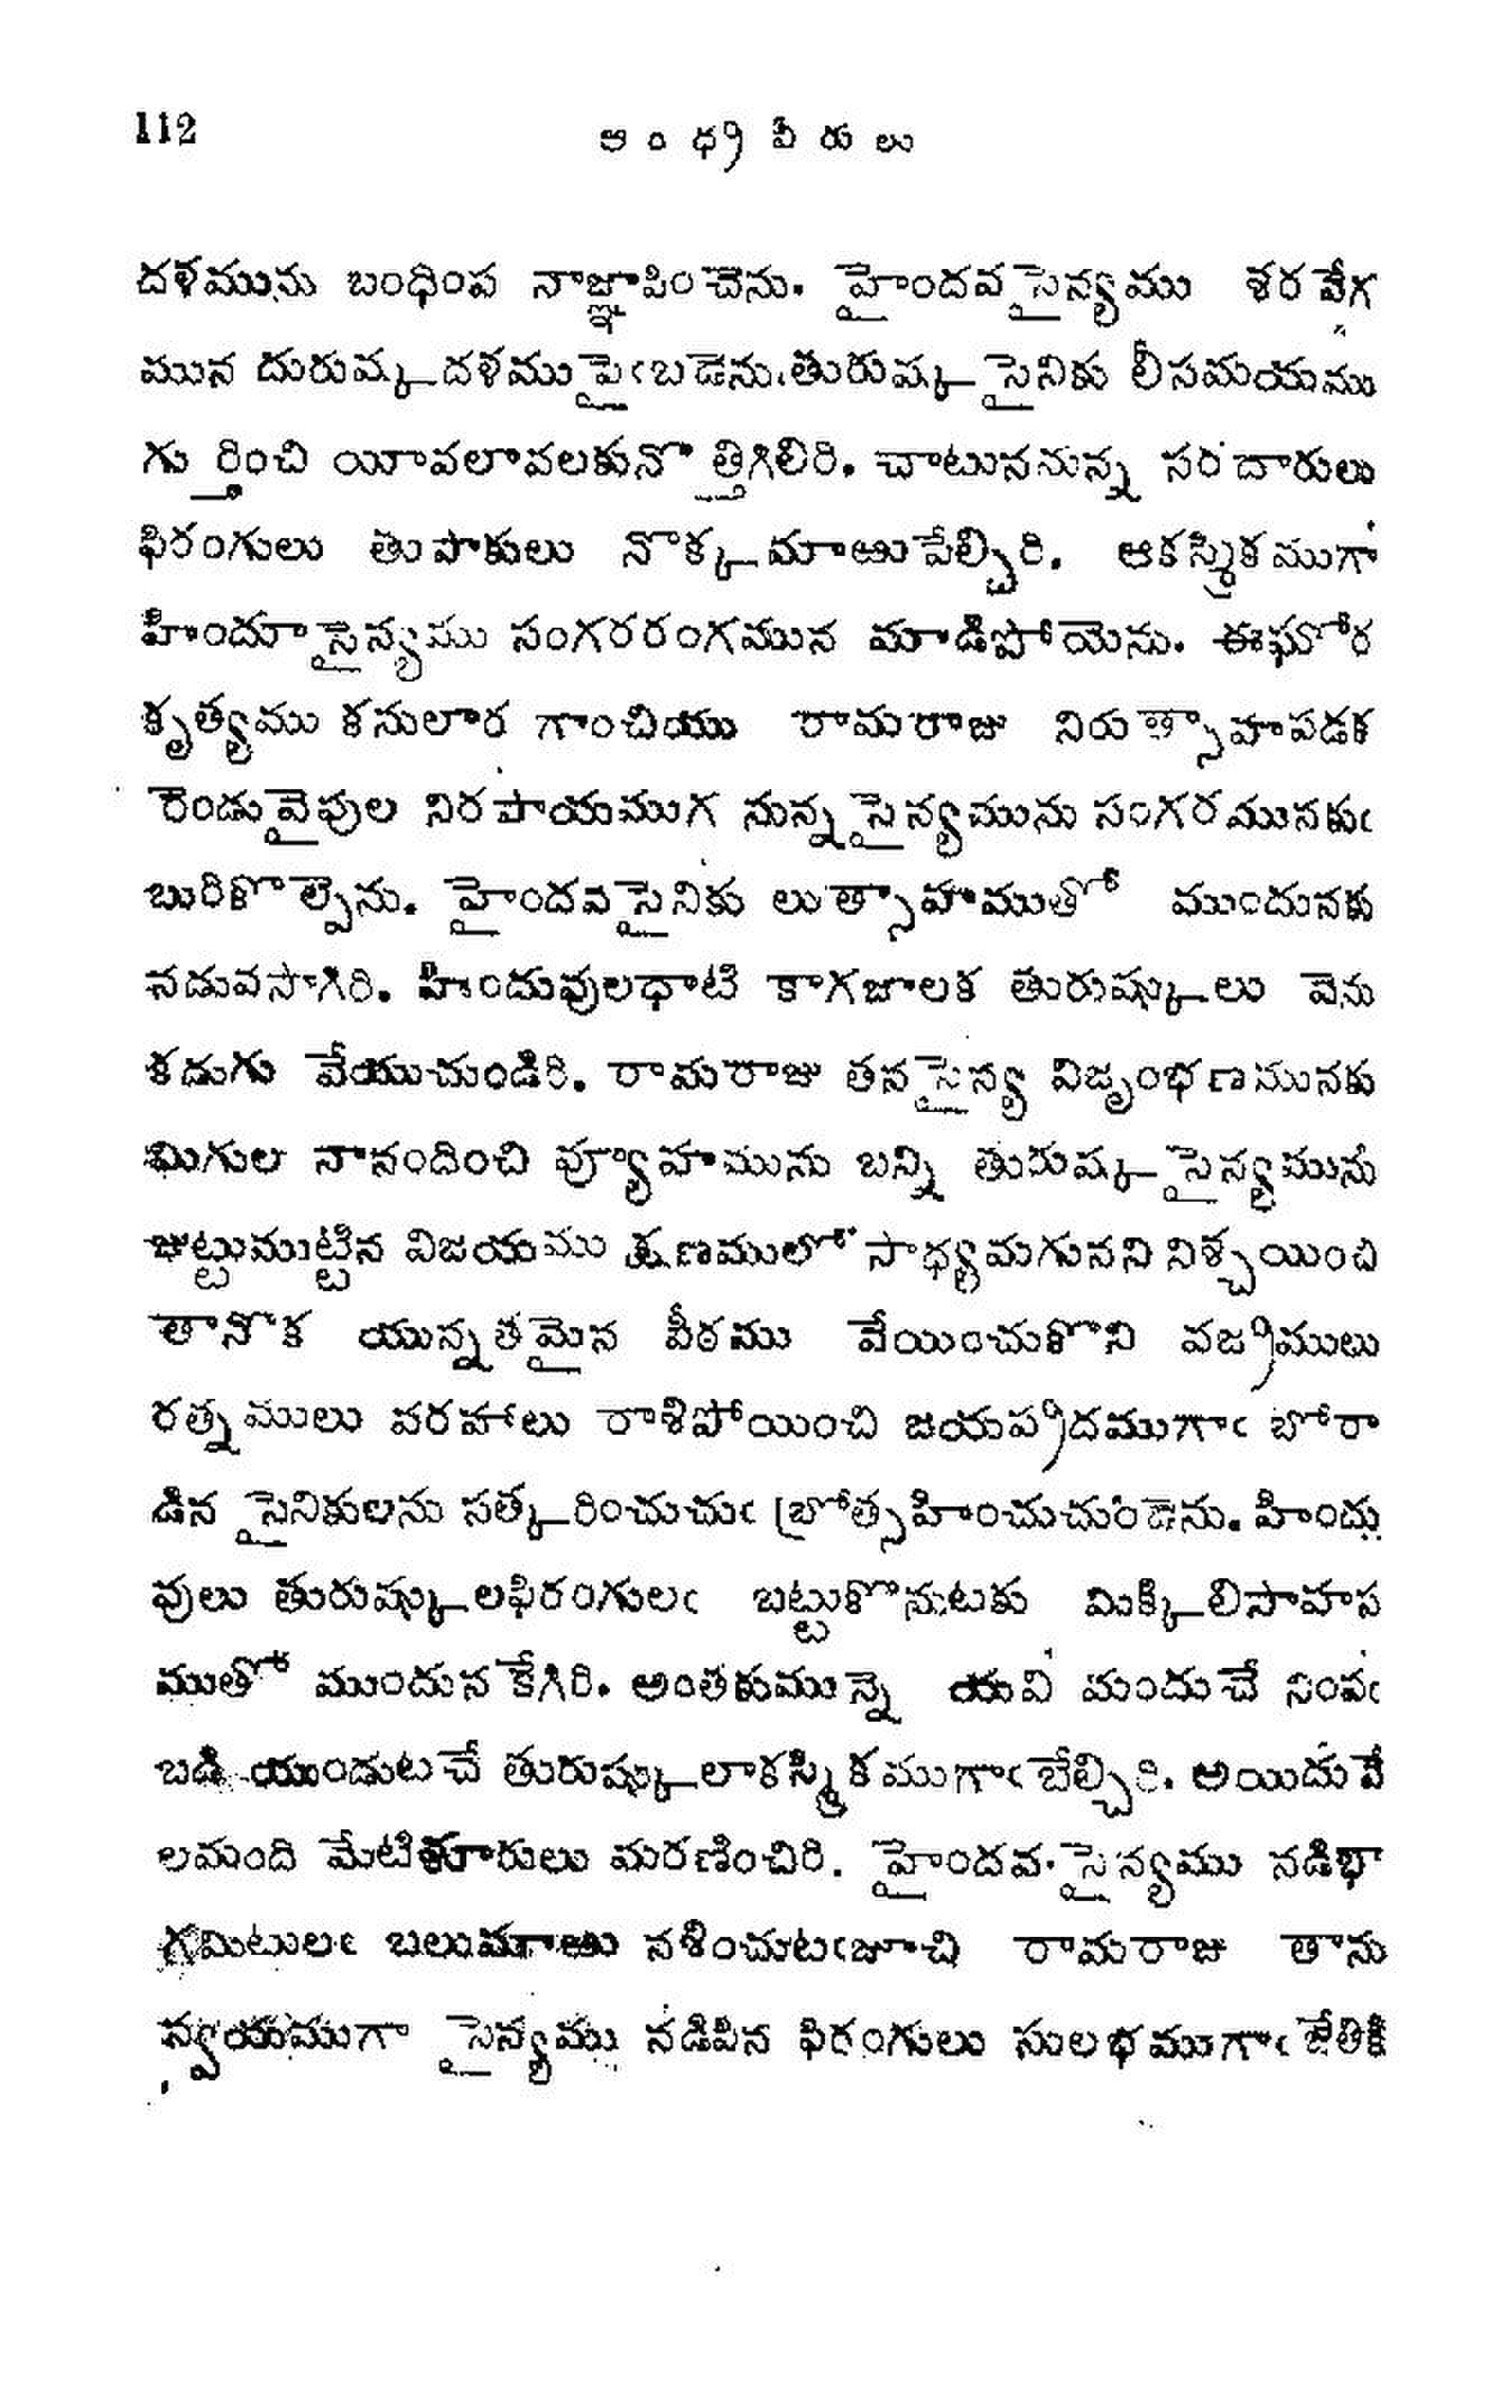దళమును బంధింప నాజ్ఞాపించెను. హైందవసైన్యము శరవేగమున దురుష్కదళముపై బడెను. తురుష్కసైనికు లీసమయము గుర్తించి యీవలావలకునొత్తిగిలిరి. చాటుననున్న సరదారులు ఫిరంగులు తుపాకులు నొక్కమాఱుపేల్చిరి. ఆకస్మికముగా హిందూసైన్యము సంగరరంగమున మాడిపోయెను. ఈఘోరకృత్యము కనులార గాంచియు రామరాజు నిరుత్సాహపడక రెండువైపుల నిరపాయముగ నున్నసైన్యమును సంగరమునకు బురికొల్పెను. హైందవసైనికు లుత్సాహముతో ముందునకు నడువసాగిరి. హిందువులధాటి కాగజాలక తురుష్కులు వెనుకడగు వేయుచుండిరి. రామరాజు తనసైన్య విజృంభణమునకు మిగుల నానందించి వ్యూహమును బన్ని తురుష్క సైన్యమును జుట్టుముట్టిన విజయము క్షణములో సాధ్యమగునని నిశ్చయించి తానొక యున్నతమైన పీఠము వేయించుకొని వజ్రములు రత్నములు వరహాలు రాశిపోయించి జయప్రదముగా బోరాడిన సైనికులను సత్కరించుచు బ్రోత్సాహించుచుండెను. హిందువులు తురుష్కులఫిరంగుల బట్టుకొనుటకు మిక్కిలిసాహసముతో ముందునకేగిరి. అంతకుమున్నె యవి మందుచే నింపబడి యుండుటచే తురుష్కులాకస్మికముగా బేల్చిరి. అయిదువేలమంది మేటిశూరులు మరణించిరి. హైందవ సైన్యము నడిభాగమిటుల బలుమాఱు నశించుటజూచి రామరాజు తాను స్వయముగా సైన్యము నడిపిన ఫిరంగులు సులభముగా జేతికి